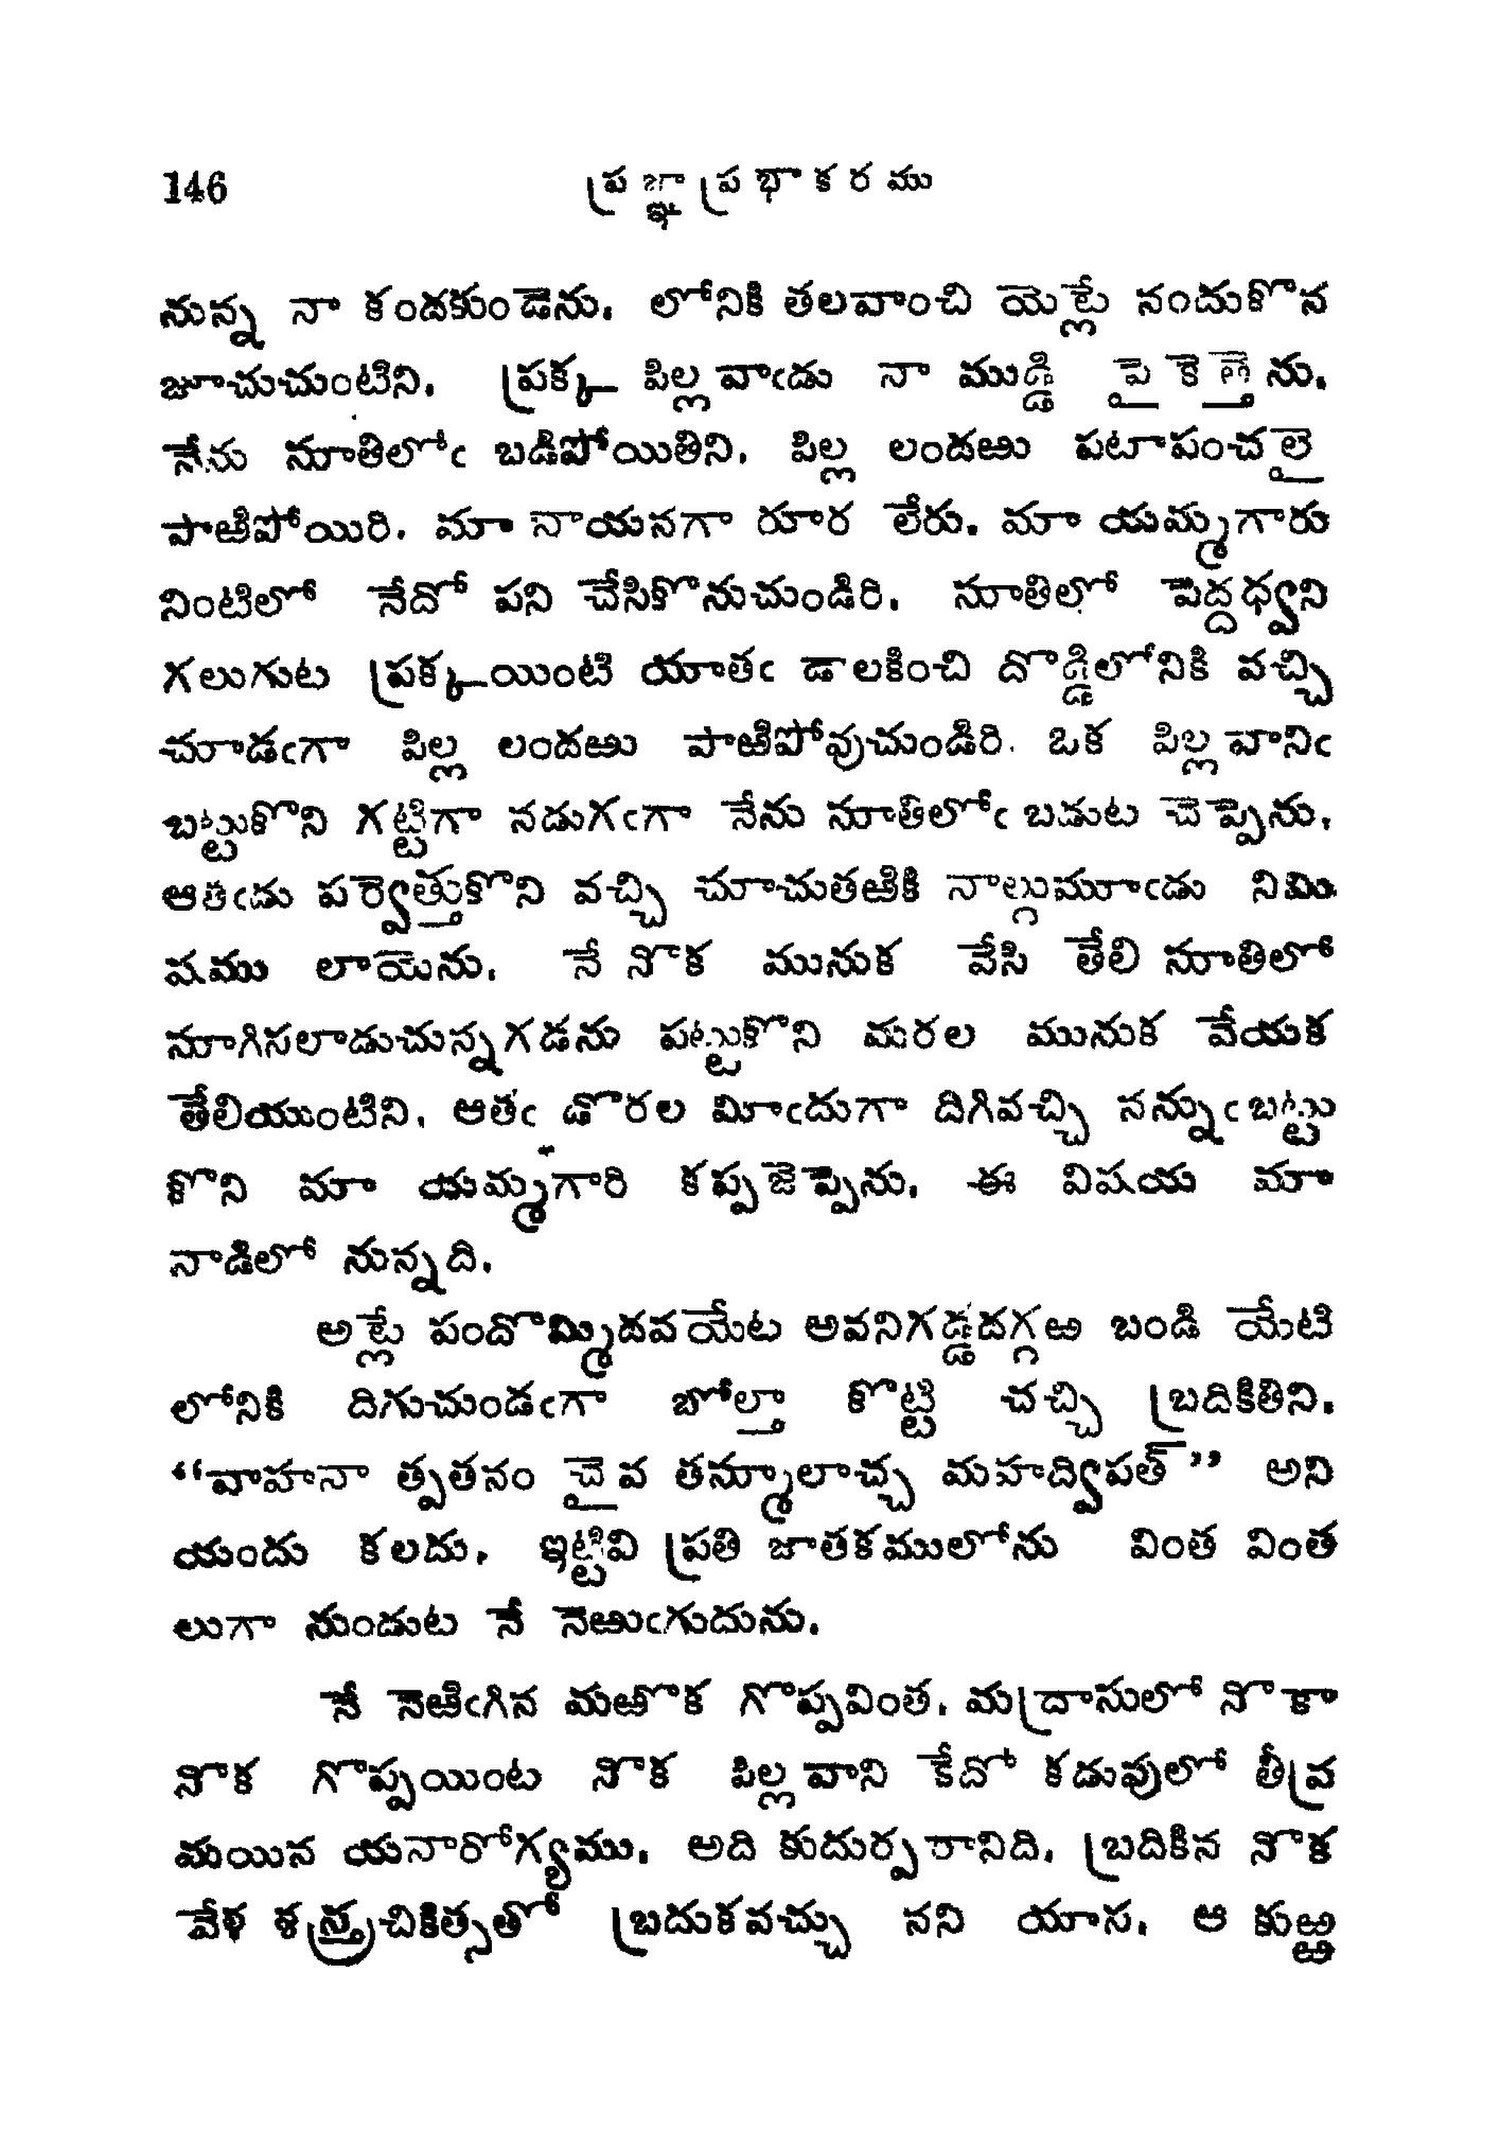నున్న నా కందకుండెను. లోనికి తలవాంచి యెట్లే నందుకొన జూచుచుంటిని. ప్రక్క పిల్లవాఁడు నా ముడ్డి పైకెత్తెను. నేను నూతిలోఁ బడిపోయితిని. పిల్ల లందఱు పటాపంచలై పాఱిపోయిరి. మా నాయనగా రూర లేరు. మా యమ్మగారు నింటిలో నేదో పని చేసికొనుచుండిరి. నూతిలో పెద్దధ్వని గలుగుట ప్రక్కయింటి యాతఁ డాలకించి దొడ్డిలోనికి వచ్చి చూడఁ గా పిల్ల లందఱు పాఱిపోవుచుండిరి. ఒక పిల్ల వానిఁ బట్టుకొని గట్టిగా నడుగఁ గా నేను నూతిలోఁ బడుట చెప్పెను. ఆతఁ డు పర్వెత్తుకొని వచ్చి చూచుతఱికి నాల్గు మూఁడు నిమిషము లాయెను. నే నొక మునుక వేసి తేలి నూతిలో నూగిసలాడుచున్న గడను పట్టుకొని మరల మునుక వేయక తేలియుంటిని. ఆతఁ డొరల మిఁదుగా దిగివచ్చి నన్నుఁ బట్టుకొని మా యమ్మగారి కప్పుజెప్పెను. ఈ విషయ మా నాడిలో నున్నది.

 అట్లే పందొమ్మిదవ యేట అవనిగడ్డ దగ్గఱ బండి యేటి లోనికి దిగుచుండఁ గా బోల్తా కొట్టి చచ్చి బ్రదికితిని." వాహనాత్పతనం చైవ తిన్మూలాచ్చ మహాద్విపత్" అని యందు కలదు. ఇట్టివి ప్రతి జాతకములోను వింత వింతలుగా నుండుట నే నెఱుఁ గుదును.

 నే నెఱిఁగిన మఱొక గొప్పవింత. మద్రాసులో నొకా నొక గొప్పయింట నొక పిల్లవాని కేదో కడుపులో తీవ్రమయిన యనారోగ్యము. అది కుదుర్పరానిది. బ్రదికిన నొక వేళ శస్త్రచికిత్సతో బ్రదుక వచ్చు నని యాస. ఆ కుఱ్ఱ